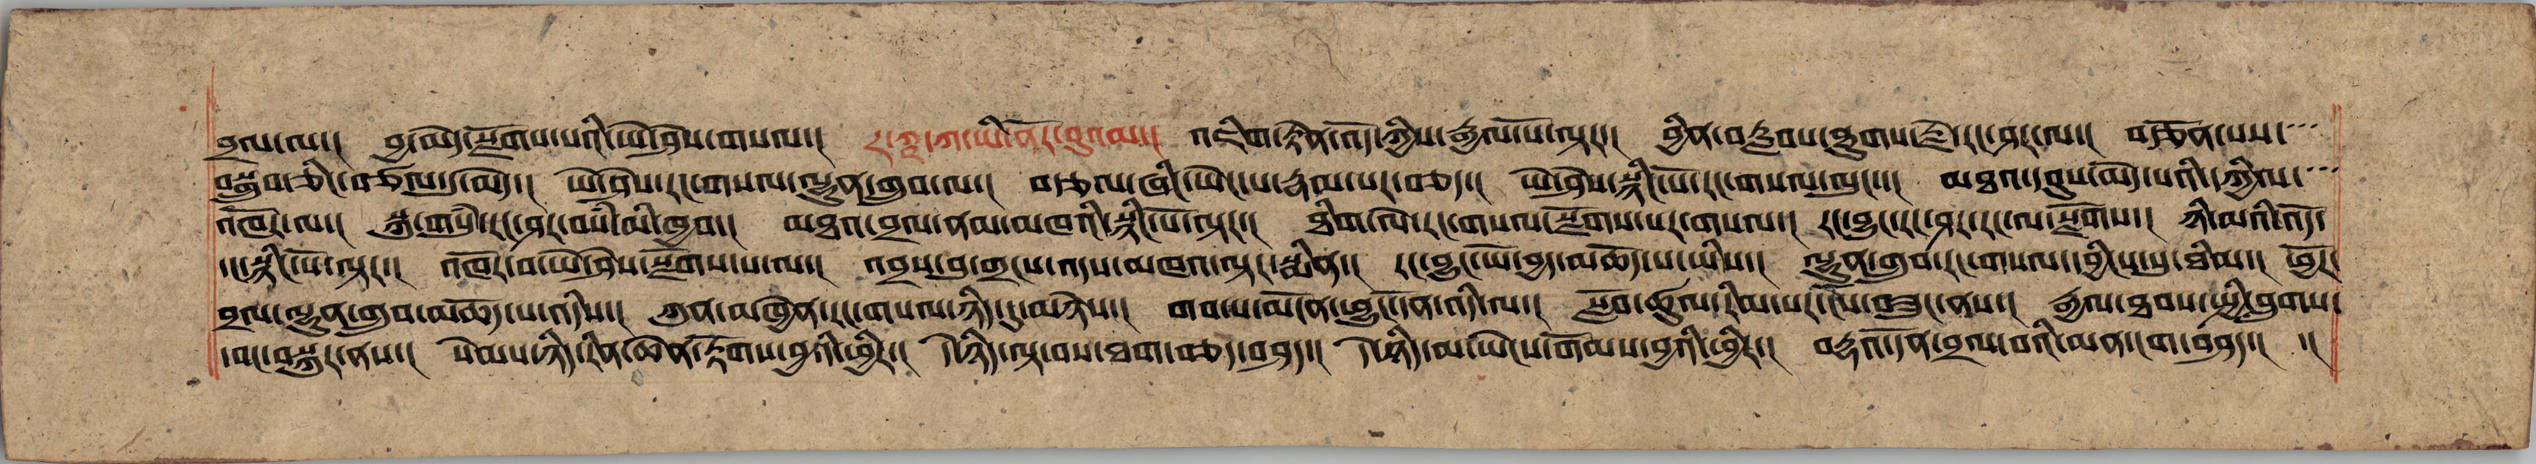བྲལ་ལ་། བྱ་མེད་སྫོགས་པའི་ཡེ་ཤེས་གསལ་། ར་ཀྵ་ཀ་ཡི་ནོར་བུའམ་། འཇིག་རྟེན་འོད་ཀྱིས་རྒྱལ་པོ་ལྟར་། བྱིན་བརླབས་ཐུགས་རྗེ་རང་ཤར་ལ་། བརྩོན་པས་
བསྒྲུབ་ཅིང་བཙལ་དུ་མེད་། ཡེ་ཤེས་རང་གསལ་ལྷུན་གྲུབ་ལ་། བརྩལ་ཞིང་ཡེང་པ་རྣམ་པར་བཅད་། ཡེ་ཤེས་སྙིང་པོ་རང་གསལ་ལུང་་། མཐའ་དབུས་མེད་པའི་དཀྱིལ་
འཁོར་ལ་། སྐུ་གསུཾ་རང་ཤར་བསཾ་མི་ཁྱབ་། མཐའ་བྲལ་ནམ་མཁའི་སྙིང་པོ་ལྟར་། ཐིག་ལེ་རང་གསལ་སྫོགས་པར་གསལ་། རང་བྱུང་རང་ཤར་རང་ལ་སྫོགས་། ཉི་མའི་འོད་
དང་སྙིང་པོ་ལྟར་། འཁོར་བ་ཡེ་ཤེས་སྫོགས་པ་ལ་། འབྲས་བུ་གྲངས་འདས་མཁའ་ལྟར་སྨིན་། རང་བྱུང་ཡོ་བྱད་མཆོད་པ་ཡིས་། ལྷུན་གྲུབ་རང་གསལ་དབྱིངས་སུ་ཐིམ་། ཕྱོཌ་
བྲལ་ལྷུན་གྲུབ་མཆོད་པ་འདིས་། ཀུན་མཁྱེན་རང་གསལ་ཉིད་དུ་མཉེས་། གབ་པ་མངོན་ཕྱུང་དོན་འདི་ལ་། སློབ་ཚུལ་རིམ་པར་ངེས་བཟུང་ནས་། རྒྱལ་ཐབས་སྤྱི་བླུགས་
དབང་བསྐུར་ནས་། སེམས་ཉིད་རིན་ཆེན་རྟོགས་བྱའི་ཕྱིར་། དེ་ཉིད་ལྟ་བས་ཐག་བཅད་བཤད་། དེ་ཉིད་མ་ཡེངས་གོམས་བྱའི་ཕྱིར་། བརྡའ་དོན་བྲལ་བའི་མན་ངག་བཤད་། ་།